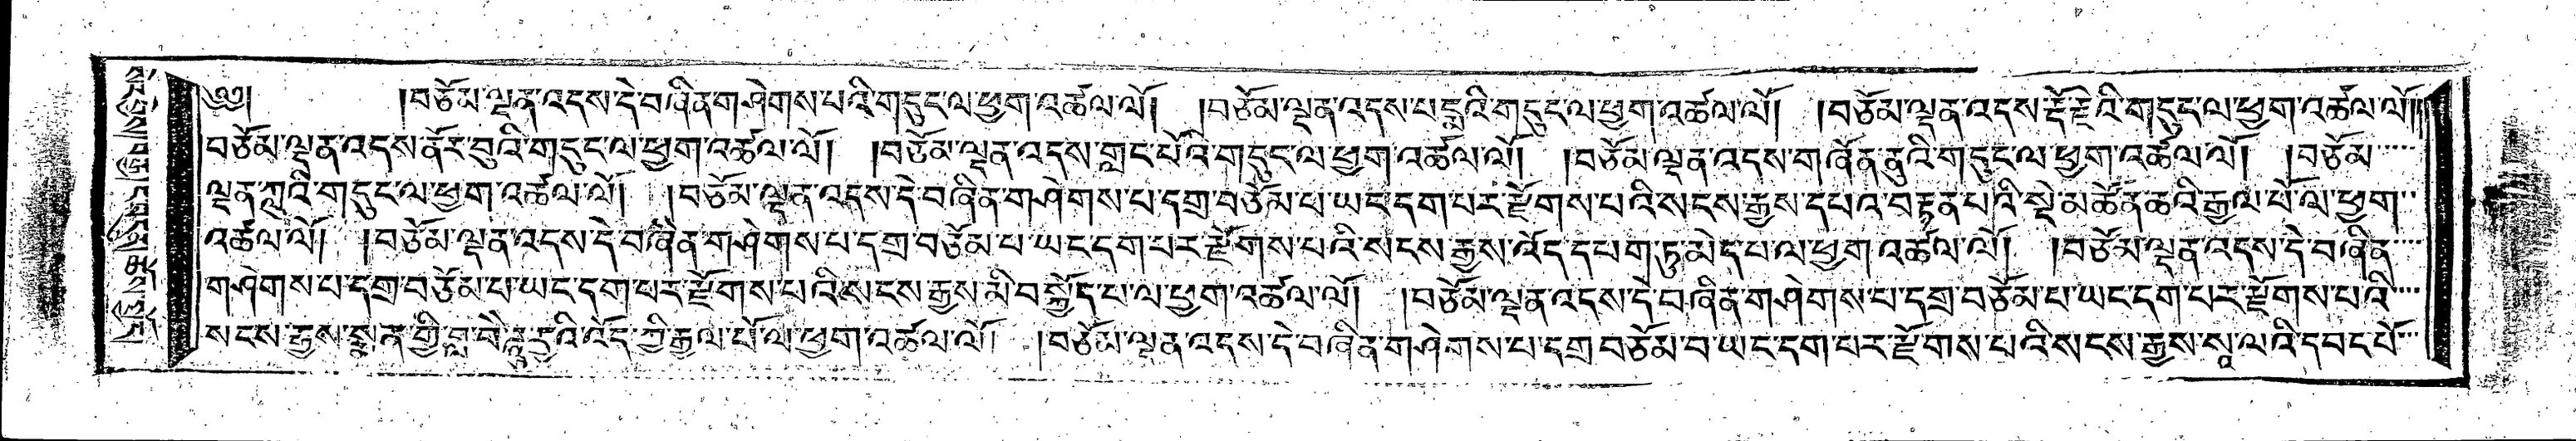༄༅། །བཅོམ་ལྡན་འདས་དེ་བཞིན་གཤེགས་པའི་གདུང་ལ་ཕྱག་འཚལ་ལོ། །བཅོམ་ལྡན་འདས་པདམའི་གདུང་ལ་ཕྱག་འཚལ་ལོ། །བཅོམ་ལྡན་འདས་རྡོ་རྗེའི་གདུང་ལ་ཕྱག་འཚལ་ལོ། །
བཅོམ་ལྡན་འདས་ནོར་བུའི་གདུང་ལ་ཕྱག་འཚལ་ལོ། །བཅོམ་ལྡན་འདས་གླང་པོའི་གདུང་ལ་ཕྱག་འཚལ་ལོ། །བཅོམ་ལྡན་འདས་གཞོན་ནུའི་གདུང་ལ་ཕྱག་འཚལ་ལོ། །བཅོམ་
ལྡན་འདས་ཀླུའི་གདུང་ལ་ཕྱག་འཚལ་ལོ། །བཅོམ་ལྡན་འདས་དེ་བཞིན་གཤེགས་པ་དགྲ་བཅོམ་པ་ཡང་དག་པར་རྫོགས་པའི་སངས་རྒྱས་དཔའ་བརྟན་པའི་སྡེ་མཚོན་ཆའི་རྒྱལ་པོ་ལ་ཕྱག་
འཚལ་ལོ། །བཅོམ་ལྡན་འདས་དེ་བཞིན་གཤེགས་པ་དགྲ་བཅོམ་པ་ཡང་དག་པར་རྫོགས་པའི་སངས་རྒྱས་འོད་དཔག་ཏུ་མེད་པ་ལ་ཕྱག་འཚལ་ལོ། །བཅོམ་ལྡན་འདས་དེ་བཞིན་
གཤེགས་པ་དགྲ་བཅོམ་པ་ཡང་དག་པར་རྫོགས་པའི་སངས་རྒྱས་མི་བསྐྱོད་པ་ལ་ཕྱག་འཚལ་ལོ། །བཅོམ་ལྡན་འདས་དེ་བཞིན་གཤེགས་པ་དགྲ་བཅོམ་པ་ཡང་དག་པར་རྫོགས་པའི་
སངས་རྒྱས་སྨན་གྱི་བླ་བཻ་ཌཱུ་རྱའི་འོད་ཀྱི་རྒྱལ་པོ་ལ་ཕྱག་འཚལ་ལོ། །བཅོམ་ལྡན་འདས་དེ་བཞིན་གཤེགས་པ་དགྲ་བཅོམ་པ་ཡང་དག་པར་རྫོགས་པའི་སངས་རྒྱས་སཱ་ལའི་དབང་པོ་